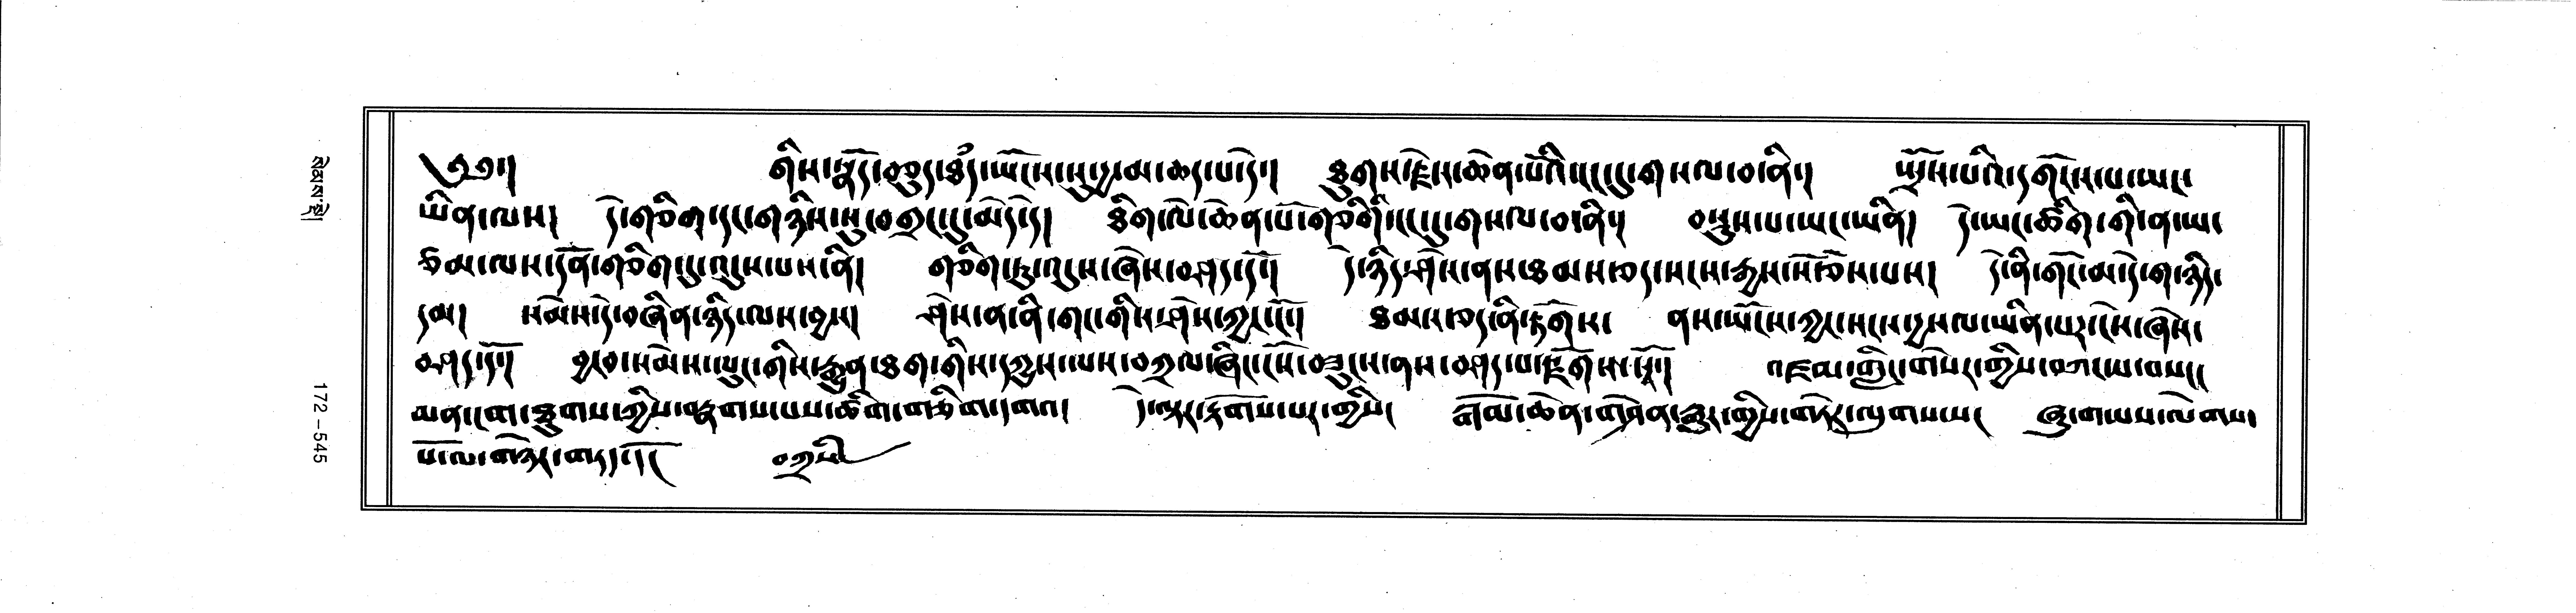གིས་སྣོད་བཅུད་ཐམས་ཅད་ཡོངས་སུ་རྒྱ་མ་ཆད་པ་དེ། ཐུགས་རྗེས་ཆེན་པོའི་ངང་དུ་གསལ་བ་ནི། སྤྲོས་པའི་དགོངས་པ་ཡང་
ཡིན་ལས། དེ་གཅིག་དང་གཉིས་སུ་བགྲང་དུ་མེད་དེ། ཐིག་ལེ་ཆེན་པོ་གཅིག་གིས་ངང་དུ་གསལ་བ་ནི། བསྡུས་པ་ཡང་ཡིན། དེ་ཡང་ཚིག་གི་ན་ཡ་
ཙམ་ལས་དོན་གཅིག་དུ་འདུས་པས་ནི། གཅིག་ཏུ་འདུས་ཞེས་བཤད་དོ། དེ་ཉིད་ཤེས་ནས་ཐམས་ཅད་སངས་རྒྱས་སོ་ཅེས་པས། དེ་ནི་གོང་མ་དེ་ག་ཉིད་
དམ། སེམས་དེ་བཞིན་ཉིད་ལས་བྱས། ཤེས་ན་ནི་གང་གིས་ཤེས་ཀྱང་ངོ་། ཐམས་ཅད་ནི་རྟོགས་ནས་ཡོངས་ཀྱང་སངས་རྒྱས་ལ་ཡིན་པར་ངེས་ཞེས་
བཤད་དོ། བྱང་ཆུབ་སེམས་ལུང་གིས་རྒྱུན་ཐག་གིས་དཀྱུས་ལས་བཀྲལ་ཞིང་ངོས་བཟུང་ནས་བཤད་པ་རྫོགས་སྭོ། འཛམ་གླིང་གསེར་གྱིས་བཀང་པ་བས། 
མན་ངག་ཐུགས་ཀྱིས་བརྣགས་པས་ཚིག་གཅིག་དགའ། དེ་ལྟར་རྟོགས་པར་གྱིས། སྒོམ་ཆེན་གཤེན་རྒུར་གྱིས་གཏེར་ལུགས་པ། ཞུ་གཡས་ལེགས་
པོ་ལ་གཉེར་གཏད་དོ། བཀྲ་ཤིས།